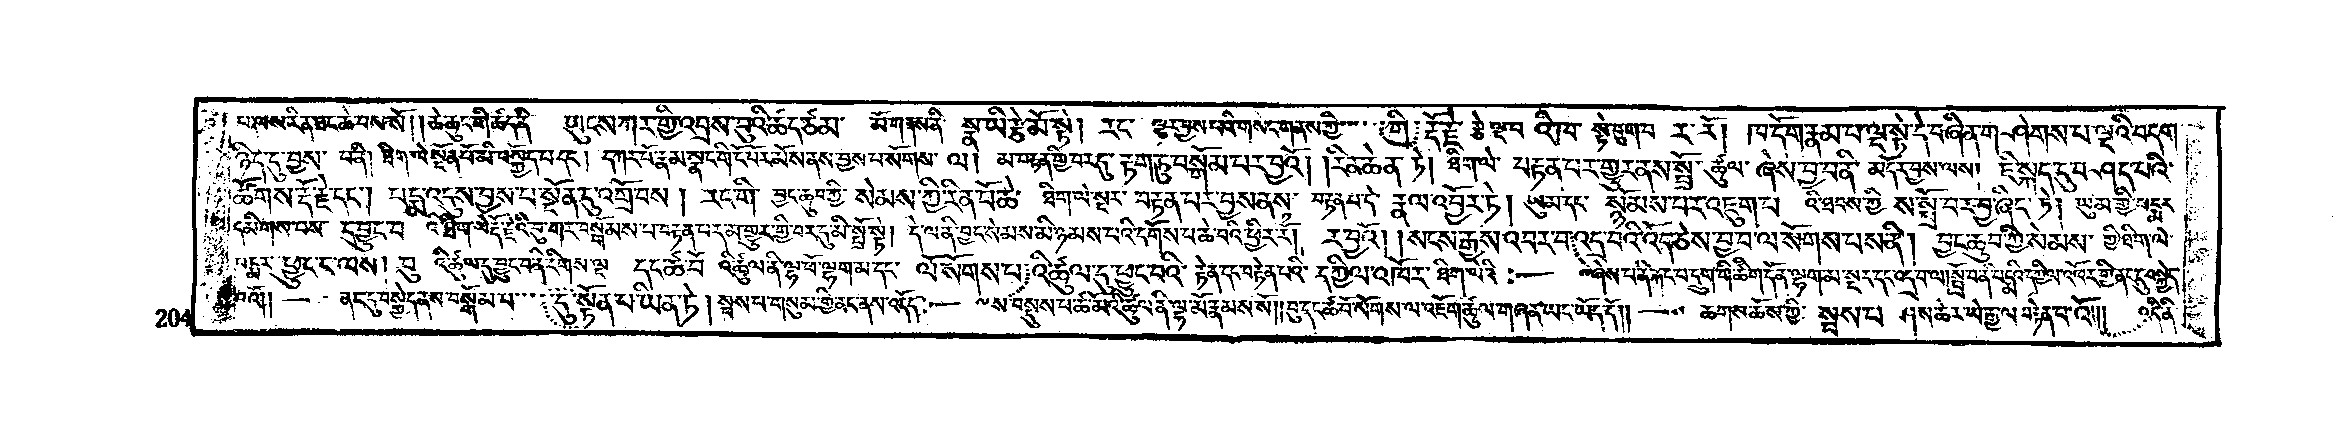པ་ལས་རིན་ཐང་ཆེ་བས་སོ། །ཆེ་ཆུང་གི་ཚད་ནི་ཡུངས་ཀར་གྱི་འབྲས་བུའི་ཚད་ཙམ་མོ་གནས་ནི་སྣ་ཡི་རྩེ་མོ་སྟེ། རང་ལྷར་བྱས་པའི་གསང་གནས་ཀྱི་གི་རྡོ་རྗེ་རྩེ་ལྔ་པའི་ཁ་སྟེ་བུག་པ་ར་རོ། ཁ་དོག་རྣམ་པ་ལྔ་སྟེ་དེ་བཞིན་གཤེགས་པ་ལྔའི་བདག་
ཉིད་དུ་བྱས་པ་ནི། ཐིག་ལེ་སྔོན་པོ་མི་བསྐྱོད་པ་དང་། དཀར་པོ་རྣམ་སྣང་གི་ངོ་བོར་མོས་ནས་བྱས་པ་སོགས་ལ། མ་བརྟན་གྱི་བར་དུ་རྟག་ཏུ་བསྒོམ་པར་བྱའོ། །རིན་ཆེན་ཏེ། ཐིག་ལེ་བརྟན་པར་གྱུར་ནས་སྤྲོ་ཚུལ་ཞེས་བྱ་བ་ནི་མདོར་བྱས་ལས།  ཇི་སྐད་དུ་བཤད་པའི་
ཚོགས་རྡོ་རྗེ་དང་། པདམ་འདུས་བྱས་པ་སྔོན་དུ་འགྲོ་བས། རང་གི་བྱང་ཆུབ་ཀྱི་སེམས་ཀྱི་རིན་པོ་ཆེ་ཐིག་ལེ་སྔར་བརྟན་པར་བྱས་ནས་བརྟན་པ་དེ་རྣལ་འབྱོར་ཏེ། ཡུམ་དང་སྙོམས་པར་འཇུག་པའི་ཐབས་ཀྱི་ས་སྤྲོ་བར་བྱ་ཞིང་ཏེ། ཡུམ་གྱི་པདམར་
དམིགས་པས་དབྱུང་བའི་ཐིག་ལེ་རྡོ་རྗེའི་བུ་གར་བསྒོམས་པ་བརྟན་པར་མ་གྱུར་གྱི་བར་དུ་མི་སྤྲོ་སྟེ། དེ་ལ་ནི་བྱང་སེམས་མི་ཉམས་པའི་དགོས་པ་ཆེ་བའི་ཕྱིར་རོ།།  ར་བྱའོ། །སངས་རྒྱས་འབར་བ་འདྲ་བའི་འོད་ཅེས་བྱ་བ་ལ་སོགས་པས་ནི། བྱང་ཆུབ་ཀྱི་སེམས་ཀྱི་ཐིག་ལེ་
པདམར་ཕྱུང་བ་ལས། བུའི་ཚུལ་དུ་བྱུང་བ་ནི་རིགས་ལྔ་དང་ཚ་བོའི་ཚུལ་ནི་ལྷ་ཕོ་ལྷག་མ་དང་ལ་སོགས་པའི་ཚུལ་དུ་ཕྱུང་བའི་རྟེན་དང་བརྟེན་པའི་དཀྱིལ་འཁོར་ཐིག་ལེའི་༧ཞེས་པ་ནི་རྐང་བ་དྲུག་གི་ཚིག་དོན་ལྷག་མ་སྔར་དང་འདྲ་བ་ལ། སྤྲོ་བ་ནི་པདམའི་དཀྱིལ་འཁོར་གྱི་ནང་དུ་བསྐྱེད་
པའོ།། ནང་དུ་བསྐྱེད་ནས་བསྒོམ་པ་དུ་སྟོན་པ་ཡིན་ཏེ། སྦས་པ་གསུམ་གྱི་ནང་ནས་འདོད་༧ས་བསྡུས་པ་ཚ་མོའི་ཚུལ་ནི་ལྷ་མོ་རྣམས་སོ། །བུ་དང་ཚ་བོ་སོགས་ལ་འཇོག་ཚུལ་གཞན་ཡང་ཡོད་དོ།། ཆགས་ཆོས་ཀྱི་སྦས་པ་ཤས་ཆེར་ཡེ་རྒྱ་ལ་བརྟེན་པའོ།། འདི་ནི་